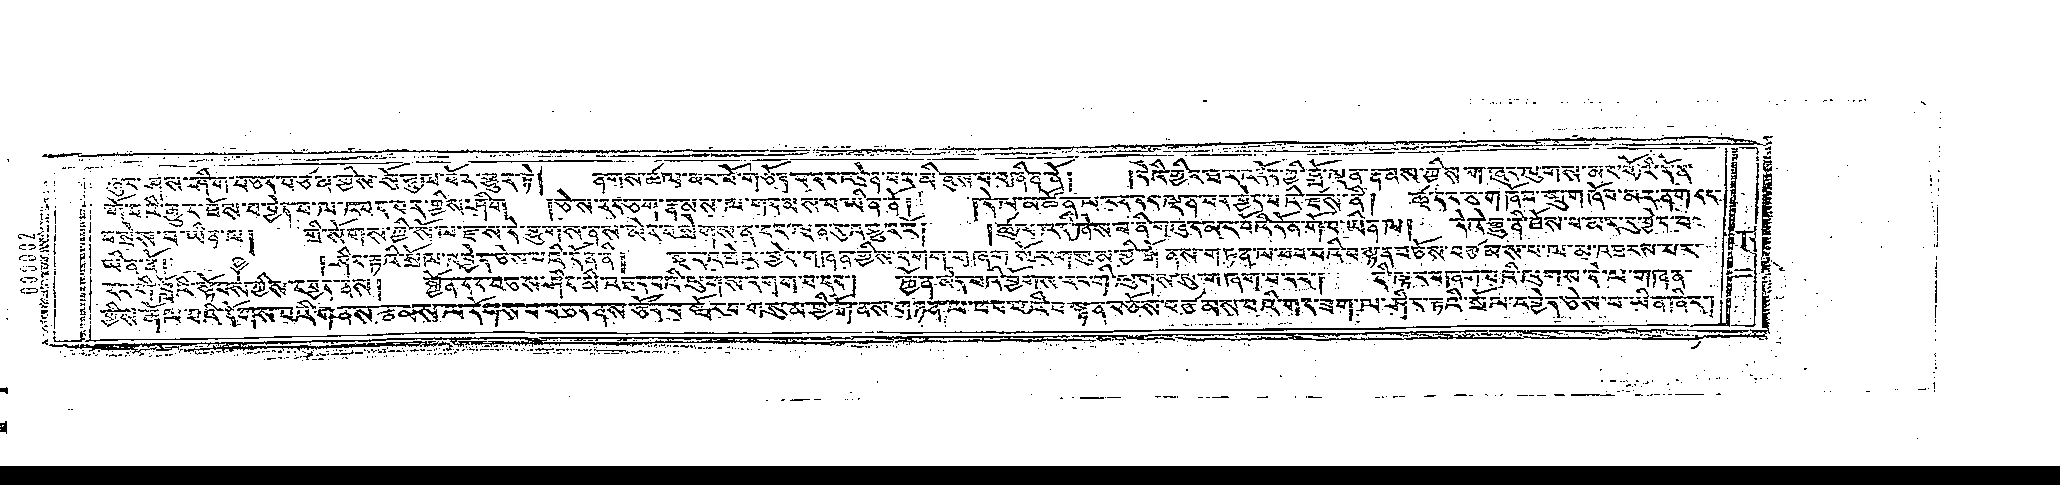མ་དཔེ་རང་ནི་རྩ་ཆད། །སྔར་བཅོམ་ལྡན་འདས་ཞལ་བཞུགས་པའི་དུས་སུ་ཡུམ་གྱི་མདོ་ནས་གསུངས་པའི་སྟོང་པ་ཉིད་ཀྱི་དོན་ཕྱིན་ཅི་མ་ལོག་བར་རྟོགས་ནས་བསྒོམ་པའི་ཆུ་ལ་ཤིན་ཏུ་དར་པ་
ཡིན་ཀྱང་། ཕྱིས་ལོ་མང་སོང་བ་ན་རིམ་གྱིས་འགྲིབས་ནས་སྟོང་ཉིད་ཀྱི་དོན་མ་ནོར་བར་ཤེས་ནས་ཉམས་སུ་ལེན་མཁན་ཤིན་ཏུ་ཉུང་བར་གྱུར་པའི་དུས་སུ། མགོན་པོ་ཀླུ་སྒྲུབ་བྱོན་ནས་གཞུང་ལུགས་མང་
པོ་ལ་མཁས་པར་སྐྱངས་ཤིང་། འཇམ་པའི་དབྱངས་ལ་བརྟེན་ནས་སྟོང་ཉིད་ཀྱི་དོན་ལེགས་པར་རྟོགས་ཏེ། སྟོང་ཉིད་ཀྱི་དོན་དགག་གཞག་སྤོང་གསུམ་གྱིས་གཏན་ལ་ཕབ་པའི་བསྟན་བཅོས་རྩ་བ་
ཤེས་རབ་ལ་སོགས་པ་བརྩམས་པས་ཀླུ་སྒྲུབ་ལ་དབུ་མ་པའི་ཤིང་རྟའི་སྲོལ་འབྱེད་ཅེས་གྲགས་ལ། དེ་བཞིན་དུ་རྒྱ་ཆེན་སྐྱོད་པའི་ལམ་སེམས་ཙམ་པའི་ལུགས་སུ་ཉམས་སུ་ལེན་ཚུལ་རྣམས་བཅོམ་ལྡན་
འདས་མྱ་ངན་ལས་འདས་པའི་རྗེས་སུ་རིམ་གྱིས་འགྲིབས་པ་ན་འཕགས་པ་ཐོགས་མེད་ཀྱིས་ལུགས་དེ་གཏན་ལ་ཕབ་བའི་བསྟན་བཅོས་ས་སྡེ་ལྔ་ལ་སོགས་པ་བརྩམས་ནས་རྒྱས་པར་མཛད་པས་ན་སེམས་
ཙམ་བའི་ཤིང་རྟའི་སྲོལ་འབྱེད་ཅེས་གྲགས་སོ། དེ་བཞིན་དུ་ལེགས་ལྡན་འབྱེད་ལ་རང་རྒྱུད་པའི་ཤིང་རྟའི་སྲོལ་འབྱེད་དང་། ཟླ་བ་གྲགས་པ་ལ་ཐལ་འགྱུར་པའི་ཤིང་རྟའི་སྲོལ་འབྱེད་ཅེས་པ་ཡང་